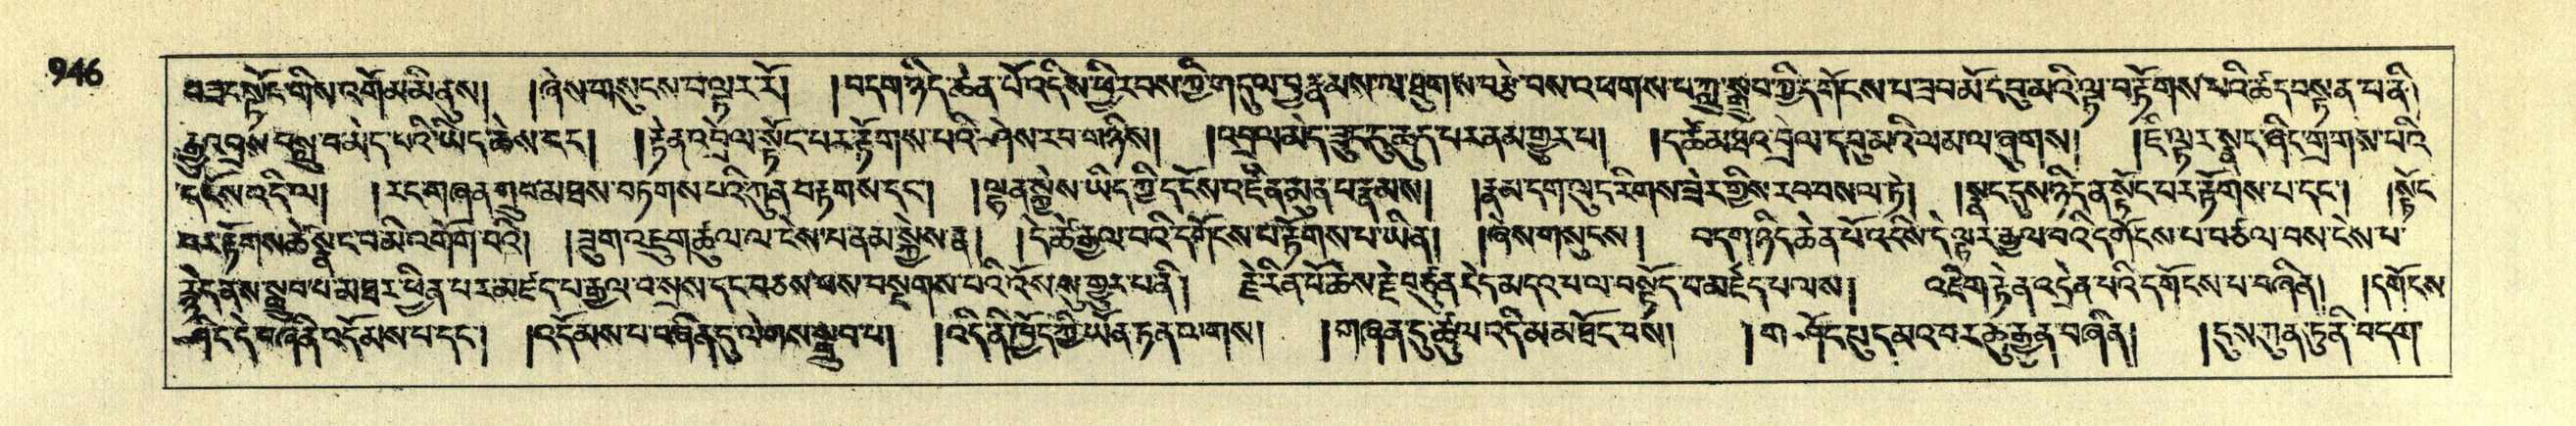བཟང་སྟོང་གིས་འགོམ་མི་ནུས། །ཞེས་གསུངས་བ་ལྟར་རོ། །བདག་ཉིད་ཆེན་པོ་འདིས་ཕྱི་རབས་ཀྱི་གདུལ་བྱ་རྣམས་ལ་ཐུགས་བརྩེ་བས་འཕགས་པ་ཀླུ་སྒྲུབ་ཀྱི་དགོངས་པ་ཟབ་མོ་དབུ་མའི་ལྟ་བ་རྟོགས་པའི་ཚད་བསྟན་པ་ནི།
རྒྱུ་འབྲས་བསླུ་བ་མེད་པའི་ཡིད་ཆེས་དང་། །རྟེན་འབྲེལ་སྟོང་པར་རྟོགས་པའི་ཤེས་རབ་གཉིས། །འབྲལ་མེད་ཟུང་དུ་ཆུད་པར་ནམ་གྱུར་པ། །ད་ཚེ་མཐའ་བྲེལ་དབུ་མའི་ལམ་ལ་ཞུགས། །ཇི་ལྟར་སྣང་ཞིང་གྲགས་པའི་
དངོས་འདི་ལ། །རང་གཞན་གྲུབ་མཐས་བཏགས་པའི་ཀུན་བརྟགས་དང་། །ལྷན་སྐྱེས་ཡིད་ཀྱི་དངོས་འཛིན་མུན་པ་རྣམས། །རྣམ་དག་ལུང་རིགས་ཟེར་གྱིས་རབ་བསལ་ཏེ། །སྣང་དུས་ཉིད་ན་སྟོང་པར་རྟོགས་པ་དང་། །སྟོང་
བར་རྟོགས་ཚེ་སྣང་བ་མི་འགོག་བའི། །ཟུག་འཇུག་ཚུལ་ལ་ངེས་པ་ནམ་སྐྱེས་ན། །དེ་ཚེ་རྒྱལ་བའི་དགོངས་པ་རྟོགས་པ་ཡིན། །ཞེས་གསུངས། བདག་ཉིད་ཆེན་པོ་འདིས་དེ་ལྟར་རྒྱལ་བའི་དགོངས་པ་བཙལ་བས་ངེས་པ་
རྙེད་ནས་སྒྲུབ་པ་མཐར་ཕྱིན་པར་མཛད་པ་རྒྱལ་བ་སྲས་དང་བཅས་པས་བསྔགས་པའི་འོས་སུ་གྱུར་པ་ནི། རྗེ་རིན་པོ་ཆེས་རྗེ་བཙུན་ངེད་མདའ་པ་ལ་བསྟོད་པ་མཛད་པ་ལས། འཇིག་རྟེན་འདྲེན་པའི་དགོངས་པ་བཞིན། །དགོངས་
ཤིང་དེ་བཞིན་འདོམས་པ་དང་། །འདོམས་པ་བཞིན་དུ་ལེགས་སྒྲུབ་པ། །འདི་ནི་ཁྱོད་ཀྱི་ཡོན་ཏན་ལགས། །གཞན་དུ་ཚུལ་འདི་མ་མཐོང་བས། །གཤོང་པུ་དམའ་བར་ཆུ་རྒྱུན་བཞིན། །དུས་ཀུན་ཏུ་ནི་བདག་